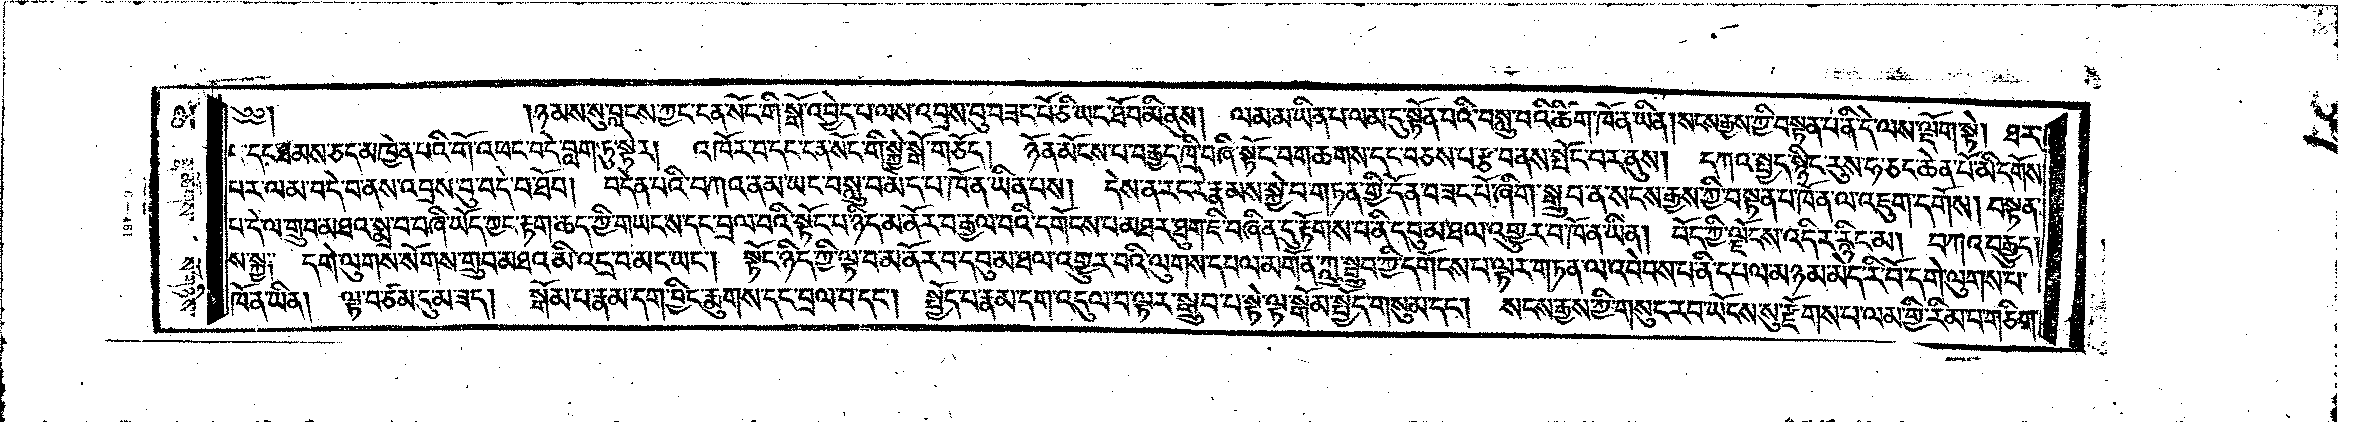༄༅། །ཉམས་སུ་བླངས་ཀྱང་ངན་སོང་གི་སྒོ་འབྱེད་པ་ལས་འབྲས་བུ་བཟང་པོ་ཅི་ཡང་ཐོབ་མི་ནུས། ལམ་མ་ཡིན་པ་ལམ་དུ་སྟོན་པའི་བསླུ་བའི་ཚིག་ཁོ་ན་ཡིན། སངས་རྒྱས་ཀྱི་བསྟན་པ་ནི་དེ་ལས་ལྡོག་སྟེ། ཐར་
པ་དང་ཐམས་ཅད་མཁྱེན་པའི་གོ་འཕང་བདེ་བླག་ཏུ་སྟེར། འཁོར་བ་དང་ངན་སོང་གི་སྐྱེ་སྒོ་གཅོད། ཉོན་མོངས་པ་བརྒྱད་ཁྲི་བཞི་སྟོང་བག་ཆགས་དང་བཅས་པ་རྩ་བ་ནས་སྤོང་བར་ནུས། དཀའ་སྤྱད་སྙིང་རུས་ཧ་ཅང་ཆེན་པོ་མི་དགོས་
པར་ལམ་བདེ་བ་ནས་འབྲས་བུ་བདེ་བ་ཐོབ། བདེན་པའི་བཀའ་ནམ་ཡང་བསླུ་བ་མེད་པ་ཁོ་ན་ཡིན་པས། དེས་ན་རང་རེ་རྣམས་སྐྱེ་བ་གཏན་གྱི་དོན་བཟང་པོ་ཞིག་སྒྲུབ་ན་སངས་རྒྱས་ཀྱི་བསྟན་པ་ཁོ་ན་ལ་འཇུག་དགོས། བསྟན་
པ་དེ་ལ་གྲུབ་མཐའ་སྨྲ་བ་བཞི་ཡོད་ཀྱང་རྟག་ཆད་ཀྱི་གཡངས་དང་བྲལ་བའི་སྟོང་པ་ཉིད་མ་ནོར་བ་རྒྱལ་བའི་དགོངས་པ་མཐར་ཐུག་ཇི་བཞིན་དུ་རྟོགས་པ་ནི་དབུ་མ་ཐལ་འགྱུར་བ་ཁོ་ན་ཡིན། བོད་ཀྱི་ལྗོངས་འདིར་རྙིང་མ། བཀའ་བརྒྱུད།
ས་སྐྱ༑ དགེ་ལུགས་སོགས་གྲུབ་མཐའ་མི་འདྲ་བ་མང་ཡང་། སྟོང་ཉིད་ཀྱི་ལྟ་བ་མ་ནོར་བ་དབུ་མ་ཐལ་འགྱུར་བའི་ལུགས་དཔལ་མགོན་ཀླུ་སྒྲུབ་ཀྱི་དགོངས་པ་ལྟར་གཏན་ལ་འབེབས་པ་ནི་དཔལ་མཉམ་མེད་རི་བོ་དགེ་ལུགས་པ་
ཁོ་ན་ཡིན། ལྟ་བ་ཙམ་དུ་མ་ཟད། སྒོམ་པ་རྣམ་དག་བྱིང་རྨུགས་དང་བྲལ་བ་དང་། སྤྱོད་པ་རྣམ་དག་འདུལ་བ་ལྟར་སྒྲུབ་པ་སྟེ་ལྟ་སྒོམ་སྤྱོད་གསུམ་དང་། སངས་རྒྱས་ཀྱི་གསུང་རབ་ཡོངས་སུ་རྫོགས་པ་ལམ་གྱི་རིམ་པ་གཅིག་